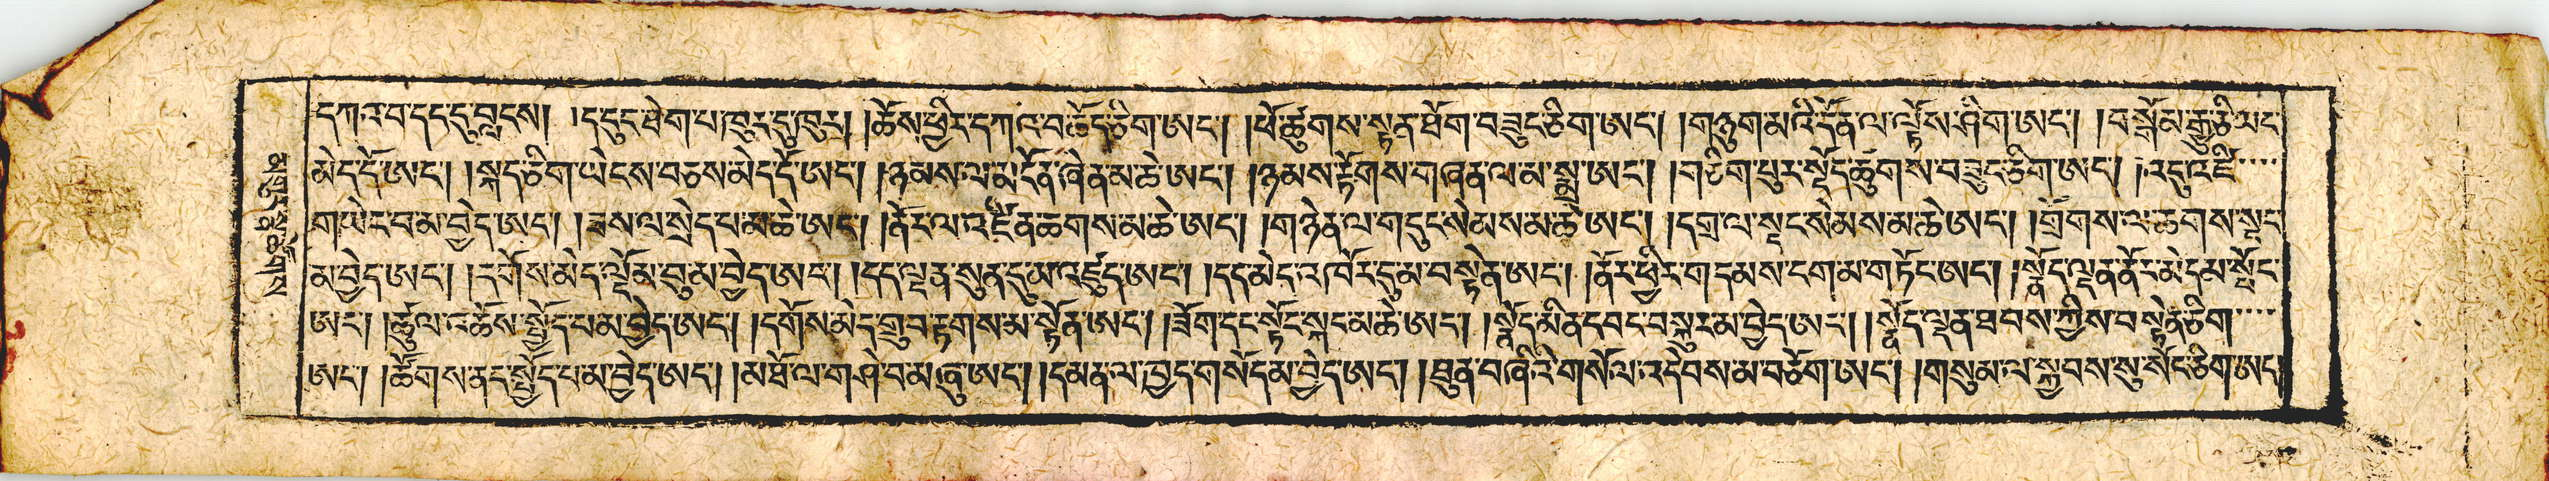དཀའ་བ་དང་དུ་བླངས། ད་དུང་ཐེག་པ་ཁུར་དུ་ཁུར། །ཆོས་ཕྱིར་དཀའ་བ་ཆོད་ཅིག་ཨང་། །ཕོ་ཚུགས་སྟན་ཐོག་བཟུང་ཅིག་ཨང་། །གཉུག་མའི་དོན་ལ་ལྟོས་ཤིག་ཨང་། །བསྒོམ་རྒྱུ་ཅི་ཡང་
མེད་དོ་ཨང་། །སྐད་ཅིག་ཡེངས་བཅས་མེད་དོ་ཨང་། །ཉམས་ལ་མངོན་ཞེན་མ་ཆེ་ཨང་། །ཉམས་རྟོགས་གཞན་ལ་མ་སྨྲ་ཨང་། །གཅིག་པུར་སྡོད་ཚུགས་བཟུང་ཅིག་ཨང་། །འདུ་འཛི་
གཡེང་བ་མ་བྱེད་ཨང་། །ཟས་ལ་སྲེད་པ་མ་ཆེ་ཨང་། །ནོར་ལ་འཛིན་ཆགས་མ་ཆེ་ཨང་། །གཉེན་ལ་གདུང་སེམས་མ་ཆེ་ཨང་། །དགྲ་ལ་སྡང་སེམས་མ་ཆེ་ཨང་། །གྲོགས་ལ་ཆགས་སྡང་
མ་བྱེད་ཨང་། །དགོས་མེད་ལྡོམ་བུ་མ་བྱེད་ཨང་། །དད་ལྡན་སུན་དུ་མ་འཛུད་ཨང་། །དད་མེད་འཁོར་དུ་མ་བསྟན་ཨང་། །ནོར་ཕྱིར་གདམས་ངག་མ་གཏོང་ཨང་། །སྣོད་ལྡན་ནོར་མེད་མ་སྤོང་
ཨང་། །ཚུལ་འཆོས་སྤྱོད་པ་མ་བྱེད་ཨང་། །དགོས་མེད་གྲུབ་རྟགས་མ་སྟོན་ཨང་། །ཟོག་དང་སྟོང་སྐདང་མ་ཆེ་ཨང་། །སྣོད་མིན་དབང་བསྐུར་མ་བྱེད་ཨང་། །སྣོད་ལྡན་ཐབས་ཀྱིས་བསྟེན་ཅིག་
ཨང་། །ཚོགས་ནང་སྤྱོད་པ་མ་བྱེད་ཨང་། །མཐོ་ལ་གཤེ་བ་མ་ཞུ་ཨང་། །དམན་ལ་ཁྱད་གསོད་མ་བྱེད་ཨང་། །ཐུན་བཞིའི་གསོལ་འདེབས་མ་བཅོག་ཨང་། །གསུམ་ལ་སྐྱབས་སུ་སོང་ཅིག་ཨང། །